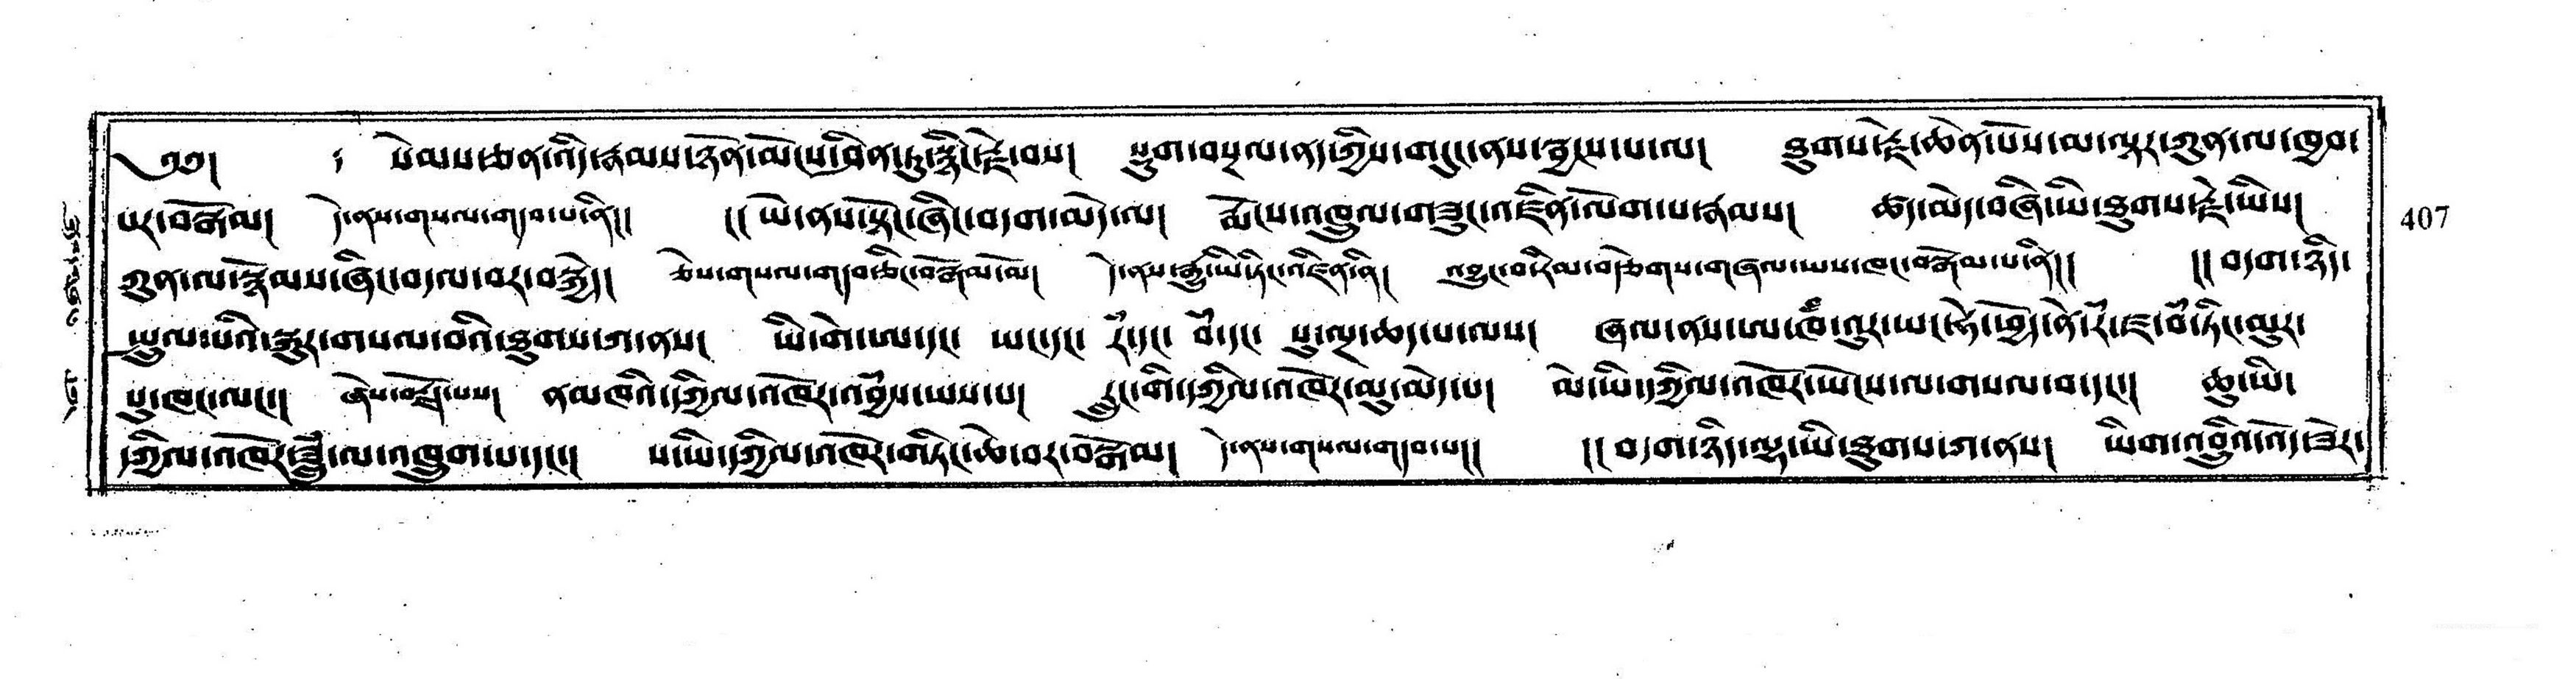སེམས་ཅན་འདི་རྣམས་ཉོན་མོངས་ཤིན་ཏུ་སྙིང་རྗེ་བས། སྡུག་བསྔལ་ནད་ཀྱིས་གདུང་ནས་སྦྱངས་པ་ལ། ཐུགས་རྗེ་ཆེན་པོས་མ་ལྟར་ཀུན་ལ་ཁྱབ་
པར་བསྒོམ། དེ་ནས་གསལ་གདབ་པ་ནི།། ཡེ་ནས་སྟོང་ཞིང་བདག་མེད་ལ། རྨོངས་འཁྲུལ་གཟུང་འཛིན་ལོག་པ་རྣམས། ཚད་མེད་བཞི་ཡི་ཐུགས་རྗེ་ཡིས། 
ཀུན་ལ་སྙོམས་ཞིང་བདལ་བར་བསྐྱེད། ཅེས་གསལ་གདབ་ཅིང་བསྒོམ་མོ། དེ་ནས་རྒྱུ་ཡི་ཏིང་འཛིན་ནི། འབྱུང་བ་རིམ་བརྩེགས་གཞལ་ཡས་ཁང་བསྒོམ་པ་ནི།། །།བདག་ཉིད་
སྤྲུལ་པའི་སྐུར་གསལ་བའི་ཐུགས་ཀ་ནས། ཡི་གེ་ཨ་དང་། ཡང་དང་རཾ་དང་བཾ་དང་སུ་ལྔ་ཆད་པ་ལས། ཞལ་ནས་ཨ་ཁྃ་འུར་ཡང་ཧེ་ཕྱོད་ནེ་རཾ་ཛ་བཾ་ཏིང་མུར་
སུ་ཁང་ལང་། ཞེས་བརྗོད་པས། ནམ་མཁའི་དཀྱིལ་འཁོར་འབྱམས་ཡས་པ། རླུང་གི་དཀྱིལ་འཁོར་མུ་མེད་པ། མེ་ཡི་དཀྱིལ་འཁོར་ཡོངས་ལ་གསལ་བ་དང་། ཆུ་ཡི་
དཀྱིལ་འཁོར་ཟླུམ་ལ་འཁྲུག་པ་དང་། ས་ཡི་དཀྱིལ་འཁོར་གཏིང་ཆེ་བར་བསྒོམ། དེ་ནས་གསལ་གདབ་པ།། །།བདག་ཉིད་ལྷ་ཡི་ཐུགས་ཀ་ནས། ཡིག་{418}འབྲུའི་འོད་ཟེར་